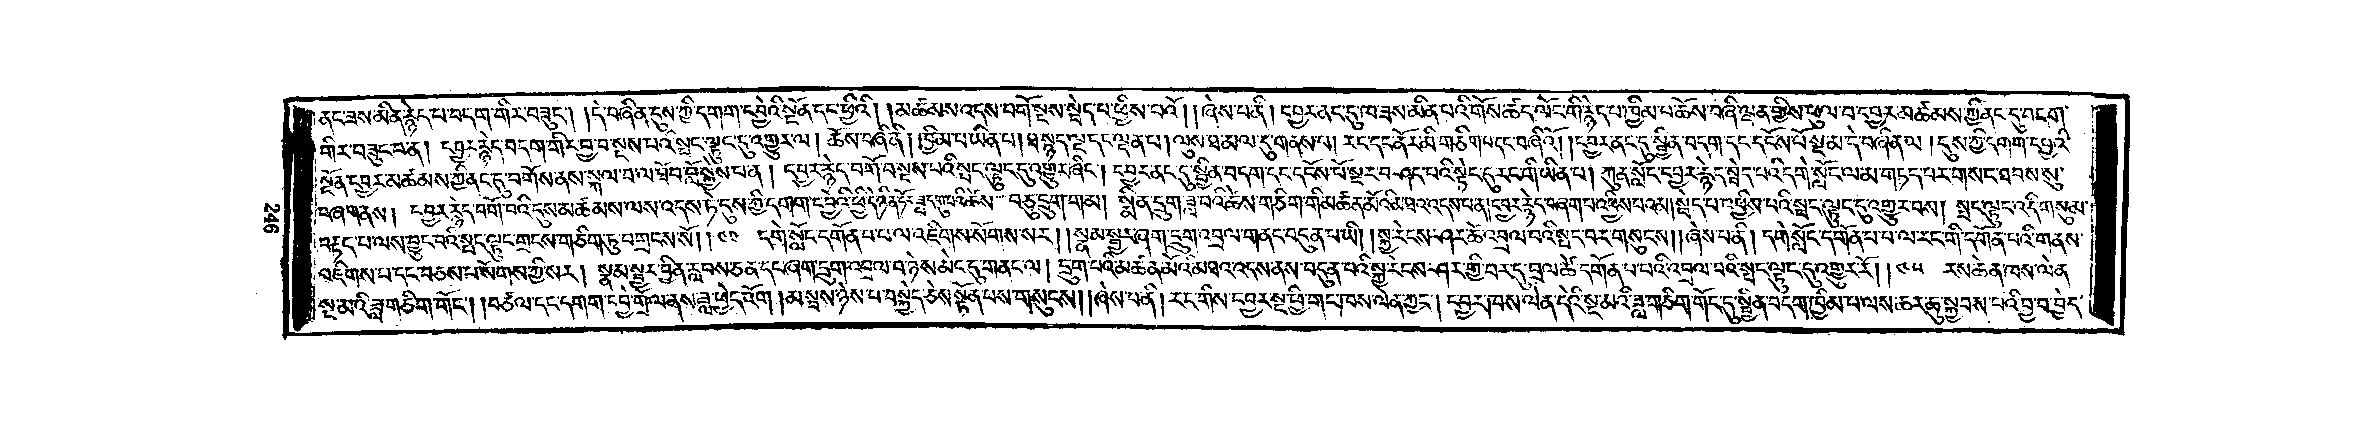ནང་ཟས་མིན་རྙེད་པ་བདག་གིར་བཟུང་། །དེ་བཞིན་དུས་ཀྱི་དགག་དབྱེའི་སྔོན་དང་ཕྱིའི། །མཚམས་འདས་བགོ་སྔས་སྦེད་པ་ཕྱིས་པའོ། །ཞེས་པ་ནི། དབྱར་ནང་དུ་ཁ་ཟས་མིན་པའི་གོས་ཚད་ལོང་གི་རྙེད་པ་ཁྱིམ་པ་ཆོས་བཞི་ལྡན་གྱིས་ཕུལ་བ་དབྱར་མཚམས་ཀྱི་ནང་དུ་བདག་
གིར་བཟུང་བ་ན། དབྱར་རྙེད་བདག་གིར་བྱ་བ་སྔགས་པའི་སྤང་ལྟུང་དུ་འགྱུར་ལ། ཆོས་བཞི་ནི། ཁྱིམ་པ་ཡིན་པ། ཐ་སྙད་ལྔ་དང་ལྡན་པ། ལུས་ཐ་མལ་དུ་གནས་པ། རང་དང་ནོར་མི་གཅིག་པ་དང་བཞིའོ། །དབྱར་ནང་དུ་སྦྱིན་བདག་དང་དངོས་པོ་སྔ་མ་དེ་བཞིན་ལ། དུས་ཀྱི་དགག་དབྱའི་
སྔོན་དབྱར་མཚམས་ཀྱི་ནང་དུ་བགོས་ནས་སྐལ་བ་ལ་ཐོབ་བློ་སྐྱེས་པ་ན། དབྱར་རྙེད་བགོ་བ་སྔས་པའི་སྤང་ལྟུང་དུ་འགྱུར་ཞིང་། དབྱར་ནང་དུ་སྦྱིན་བདག་དང་དངོས་པོ་སྔར་བཤད་པའི་སྟེང་དུ་རང་གི་ཡིན་པ། ཀུན་སློང་དབྱར་རྙེད་སྦེད་པའི་དགེ་སློང་ལ་མ་གཏད་པར་གསང་ཐབས་སུ་
བཞག་ནས། དབྱར་རྙེད་བགོ་བའི་དུས་མཚམས་ལས་འདས་ཏེ་དུས་ཀྱི་དགག་དབྱེའི་ཕྱི་དེ་ཉིན་ཧོར་ཟླ་དགུ་པའི་ཚེས་བཅུ་དྲུག་གམ། སྨིན་དྲུག་ཟླ་བའི་ཚེས་གཅིག་གི་མཚན་མོའི་མཐའ་འདས་པ་ན། དབྱར་རྙེད་བཞག་པ་འཕྱིས་པའམ། སྦེད་པ་འཕྱིས་པའི་སྤང་ལྟུང་དུ་འགྱུར་བས། སྤང་ལྟུང་འདི་གསུམ་
བརྟད་པ་ལས་བྱུང་བའི་སྤང་ལྟུང་གྲངས་གཅིག་ཏུ་བགྲངས་སོ། །དགེ་སློང་དགོན་པ་པ་ལ་འཇིགས་སོགས་སར། །སྣམ་སྦྱར་ཞག་དྲུག་འབྲལ་གནང་བདུན་པ་ཡི། །སྐྱ་རེངས་ཤར་ཚེ་འབྲལ་བའི་སྤང་བར་གསུངས། །ཞེས་པ་ནི། དགེ་སློང་དགོན་པ་པ་ལ་རང་གི་དགོན་པའི་གནས་
འཇིགས་པ་དང་བཅས་པ་སོགས་ཀྱི་སར། སྣམ་སྦྱར་བྱིན་རླབས་ཅན་དང་ཞག་དྲུག་འབྲལ་བ་ཉེས་མེད་དུ་གནང་ལ། དྲུག་པའི་མཚན་མོའི་མཐའ་འདས་ནས་བདུན་པའི་སྐྱ་རེངས་ཤར་གྱི་བར་དུ་བྲལ་ཚེ་དགོན་པ་པའི་འབྲལ་བའི་སྤང་ལྟུང་དུ་འགྱུར་རོ། །རས་ཆེན་ཁས་ལེན་
སྔ་མའི་ཟླ་གཅིག་གོང་། །བཙལ་དང་དགག་དབྱེ་གྲོལ་ནས་ཟླ་ཕྱེད་འོག །མ་སྦས་ཉེས་པ་བསྐྱེད་ཅེས་སྟོན་པས་གསུངས། །ཞེས་པ་ནི། རང་གིས་དབྱར་སྔ་ཕྱི་གང་ཁས་ལེན་ཀྱང་། དབྱར་ཁས་ལེན་དེའི་སྔ་མའི་ཟླ་གཅིག་གོང་དུ་སྦྱིན་བདག་ཁྱིམ་པ་ལས་ཆར་ཆུ་སྐྱབས་པའི་བྱ་བ་བྱེད་